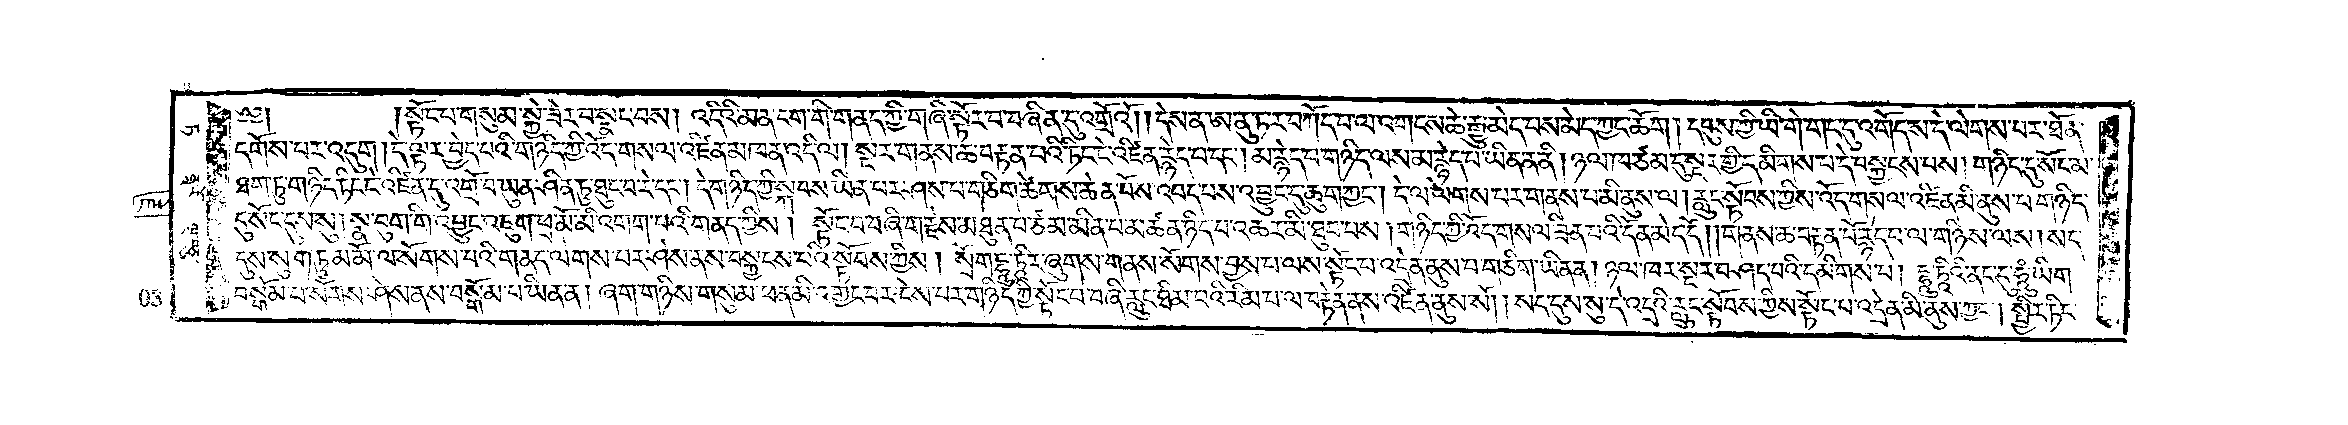༄༅། །སྟོང་པ་གསུམ་སྐྱེ་ཟེར་བ་སྣང་བས། འདིའི་མན་ངག་གི་གནད་ཀྱི་གཞི་སྟོར་བ་བཞིན་དུ་འགྲོའོ། །དེས་ན་ཨ་ནུ་ཏ་ར་བཀོད་པ་ལ་འགངས་ཆེ་རྒྱུ་མེད་པས་མེད་ཀྱང་ཆོག །དབུས་ཀྱི་ཡི་གེ་གང་དུ་འགོད་ས་དེ་ལེགས་པར་ཐོན་
དགོས་པར་འདུག །དེ་ལྟར་བྱེད་པའི་གཉིད་ཀྱི་འོད་གསལ་འཛིན་མཁན་འདི་ལ། སྔར་གནས་ཆ་བརྟན་པའི་ཏིང་ངེ་འཛིན་རྙེད་པ་དང་། མ་རྙེད་པ་གཉིད་ལས་མ་རྙེད་པ་ཡིན་ན་ནི། ཉལ་ཁ་ཙམ་དུ་སྔར་གྱི་དམིགས་པ་དེ་བསྐྱངས་པས། གཉིད་དུ་སོང་མ་
ཐག་ཏུ་གཉིད་ཏིང་ངེ་འཛིན་དུ་འགྲོ་བ་ཡུན་ཤིན་ཏུ་ཐུང་བ་རེ་དང་། དེ་གཉིད་ཀྱི་སྐབས་ཡིན་པར་ཤས་པ་གཅིག་ཚེགས་ཆེན་པོས་འབད་པས་འབྱུང་དུ་ཆུག་ཀྱང་། དེ་ལ་ལེགས་པར་གནས་པ་མི་ནུས་ལ། རླུང་སྟོབས་ཀྱིས་འོད་གསལ་འཛིན་མི་ནུས་པ་གཉིད་
དུ་སོང་དུས་སུ། སྣ་བུག་གི་འབྱུང་འཇུག་ཕྲ་མོ་མི་འགག་པའི་གནད་ཀྱིས། སྟོང་པ་བཞི་ག་རྗེས་མཐུན་པ་ཙམ་མིན་པ་མཚན་ཉིད་པ་འཆར་མི་ཐུབ་པས། གཉིད་ཀྱི་འོད་གསལ་ཟིན་པའི་དོན་མེད་དོ། །གནས་ཆ་བརྟན་པོ་རྙེད་པ་ལ་གཉིས་ལས། སད་
དུས་སུ་གཏུམ་མོ་ལ་སོགས་པའི་གནད་ལེགས་པར་ཤེས་ནས་བསྐྱངས་པའི་སྟོབས་ཀྱིས། སྲོག་དྷཱུ་ཏཱིར་ཞུགས་གནས་སོགས་བྱས་པ་ལས་སྟོང་པ་འདྲེན་ནུས་པ་གཅིག་ཡིན་ན། ཉལ་ཁར་སྔར་བཤད་པའི་དམིགས་པ། དྷཱུ་ཏཱིའི་ནང་དུ་ཧཱུཾ་ཡིག་
བསྒོམ་པ་སོགས་ཤེས་ནས་བསྒོམ་པ་ཡིན་ན། ཞག་གཉིས་གསུམ་ཕན་མི་འགྱང་བར་ངེས་པར་གཉིད་ཀྱི་སྟོང་པ་བཞི་རླུང་ཐིམ་པའི་རིམ་པ་ལ་བརྟེན་ནས་འཛིན་ནུས་སོ། །སད་དུས་སུ་དེ་འདྲའི་རླུང་སྟོབས་ཀྱིས་སྟོང་པ་འདྲེན་མི་ནུས་ཀྱང་། སྤྱིར་ཏིང་